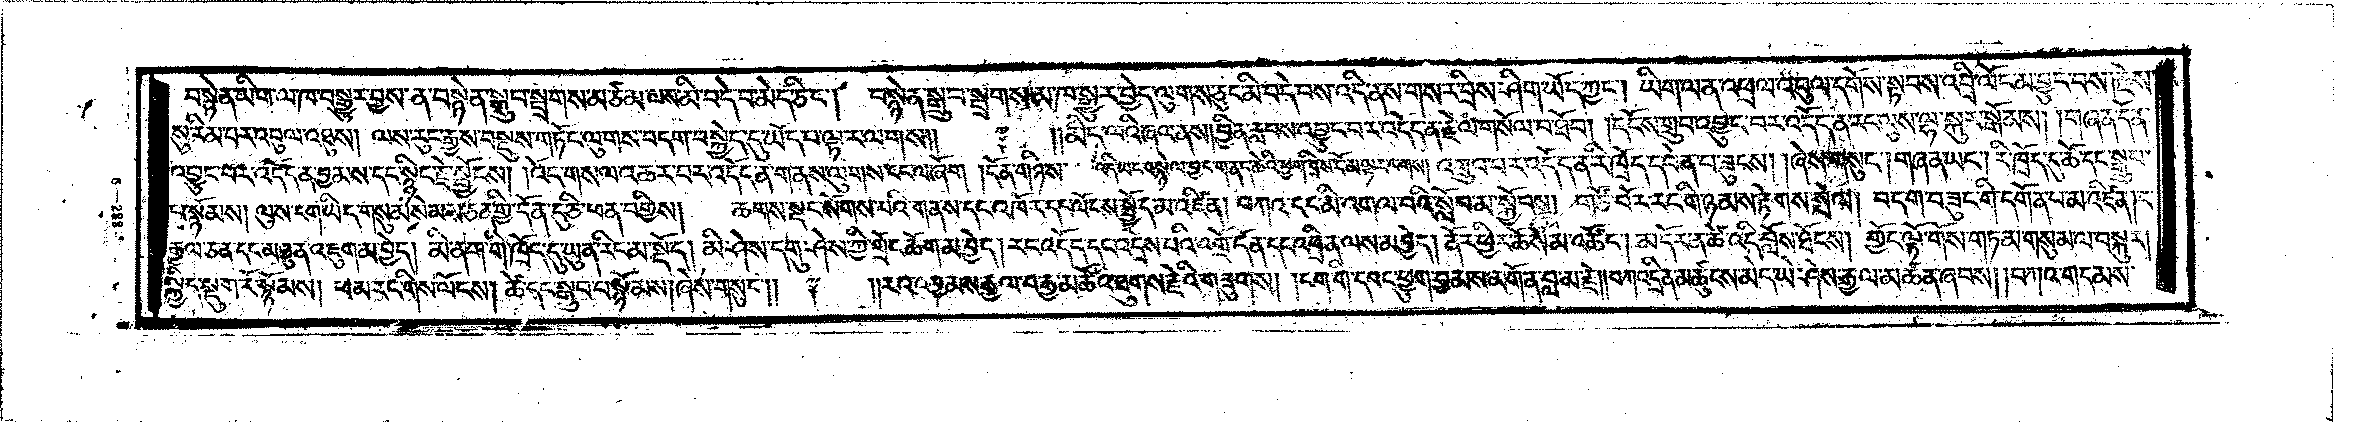བསྙེན་ཡིག་ལ་ཁ་བསྒྱུར་བྱས་ན་བསྙེན་སྒྲུབ་སྦྲགས་མ་ཙམ་ལས་མི་བདེ་བ་མེད་ཅིང་། བསྙེན་སྒྲུབ་སྦྲགས་མ་ཁ་སྒྱུར་བྱེད་ལུགས་ཅུང་མི་བདེ་བས་འདི་ནས་གསར་བྲིས་ཤིག་ཡོད་ཀྱང་། ཡིག་ལན་འཕྲལ་འབུལ་དགོས་སྟབས་འབྲི་ལོང་མ་བྱུང་བས། རྗེས་
སུ་རིམ་པར་འབུལ་འཐུས། ལས་རུང་རྒྱས་བསྡུས་གཏོང་ལུགས་བདག་བསྐྱེད་དུ་ཡོད་པ་ལྟར་ལགས།། ༈ །།མིད་ལའི་ཞལ་ནས། བྱིན་རླབས་འབྱུང་བར་འདོད་ན་རྗེ་ལ་གསོལ་བ་ཐོབ། །དངོས་གྲུབ་འབྱུང་བར་འདོད་ན་རང་ལུས་ལྷ་སྐུར་སྒོམས། །གཞན་དོན་
འབྱུང་བར་འདོད་ན་བྱམས་དང་སྙིང་རྗེ་སྦྱོངས། །འོད་གསལ་འཆར་བར་འདོད་ན་གནས་ལུགས་ངང་ལ་ཞོག །དོན་གཉིས། འདི་ཡང་བསྙེལ་བྱང་གནད་ཆེའི་ཕྱག་ཁྲིས་ངོ་མ་ལྟར་ལགས། འགྲུབ་པར་འདོད་ན་རི་ཁྲོད་དབེན་པ་ཟུངས། །ཞེས་གསུང་། གཞན་ཡང་། རི་ཁྲོད་དུ་ཚེ་དང་སྒྲུབ་
པ་སྙོམས། ལུས་ངག་ཡིད་གསུམ་སེམས་ཅན་གྱི་དོན་དུ་ཅི་ཕན་བགྱིས། ཆགས་སྡང་སོགས་པའི་གནས་དང་འཁོར་དང་ལོངས་སྤྱོད་མ་འཛིན། བཀའ་དང་མི་འགལ་བའི་སློབ་མ་སྐྱོབས། གཙོ་བོར་རང་གི་ཉམས་རྟོགས་སྤེལ། བདག་བཟུང་གི་དགོན་པ་མ་འཛིན།
རྒྱལ་ཅན་དང་མཐུན་འཇུག་མ་བྱེད། མི་ནག་གི་ཁྲོད་དུ་ཡུན་རིང་མ་སྡོད། མི་ཤེས་དགུ་ཤེས་ཀྱི་གྲོང་ཆོག་མ་བྱེད། རང་འདོད་དང་འདྲེས་པའི་འགྲོ་དོན་དང་འཕྲིན་ལས་མ་བྱེད། ནོར་ཕྱིར་ཆོས་མ་འཚོང་། མདོར་ན་ཚེ་འདི་བློས་ཐོངས། གྱོང་ལྟོ་གོས་གཏམ་གསུམ་ལ་བསྐུར།
སྐྱིད་སྡུག་རོ་སྙོམས། ཕམ་རང་གིས་ལོངས། ཚེ་དང་སྒྲུབ་པ་སྙོམས། ཞེས་གསུང།། ༈ །།རཱ་འབྱམས་རྒྱལ་བ་རྒྱ་མཚོའི་ཐུགས་རྗེའི་གཟུགས། །ངག་གི་དབང་ཕྱུག་བྱམས་མགོན་བླ་མ་རྗེ། །བཀའ་འདྲིན་མཚུངས་མེད་ཡེ་སེས་རྒྱལ་མཚན་ཞབས། །བཀའ་གདམས་